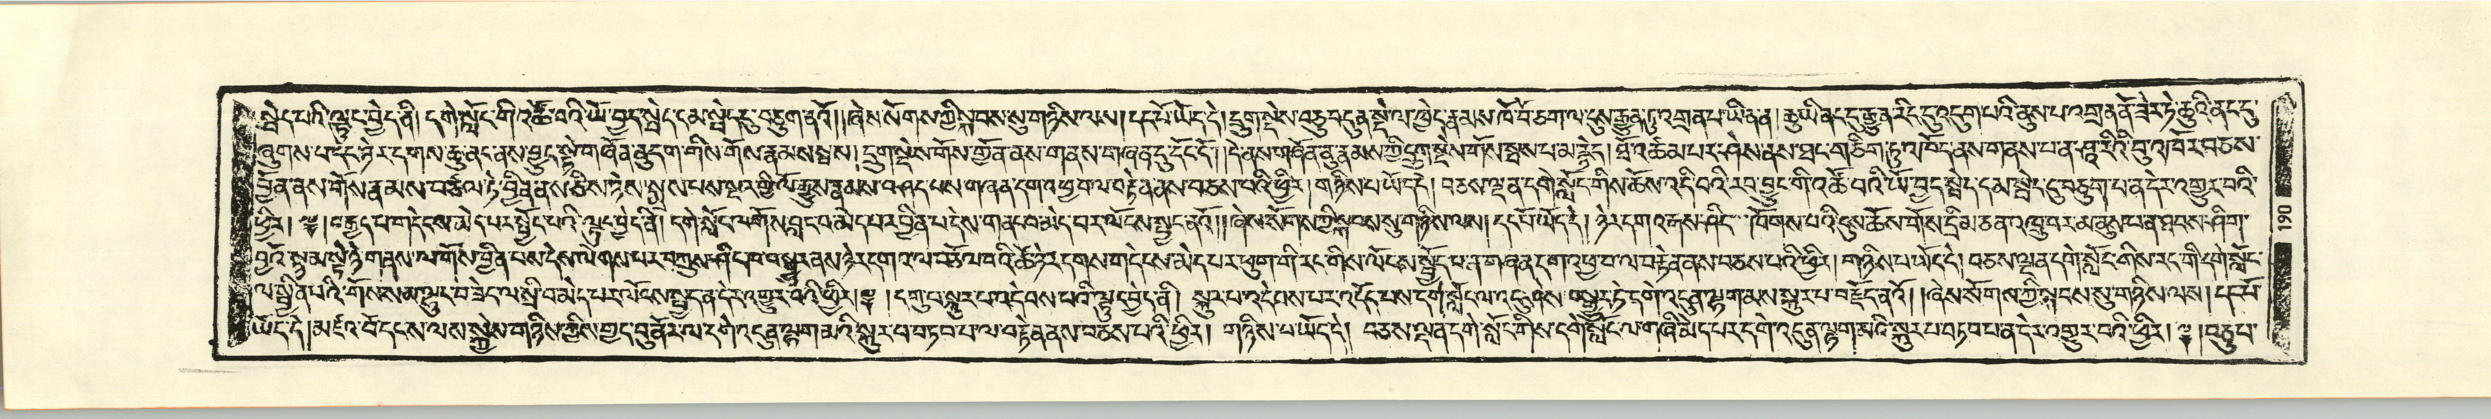སྦེད་པའི་ལྟུང་བྱེད་ནི། དགེ་སློང་གི་འཚོ་བའི་ཡོ་བྱད་སྦེད་ངམ་སྦེད་དུ་བཅུག་ནའོ། །ཞེས་སོགས་ཀྱི་སྐབས་སུ་གཉིས་ལས། དང་པོ་ཡོད་དེ། དྲུག་སྡེས་བཅུ་བདུན་སྡེ་ལ་ཁྱེད་རྣམས་ཁོ་བོ་ཅག་ལ་དུས་རྒྱུན་དུ་འགྲན་པ་ཡིན་ན། ཆུ་ཡི་ནང་དུ་རྒྱུན་རིང་དུ་འདུག་པའི་ནུས་པ་འགྲན་ནོ་ཟེར་ཏེ་ཆུའི་ནང་དུ་
ཞུགས་པ་དང་ཉེར་དགས་ཆུ་ནང་ནས་བྱུང་སྟེ་གཞོན་ནུ་དག་གིས་གོས་རྣམས་སྦས། དྲུག་སྡེས་གོས་གྱོན་ནས་གནས་གཞན་དུ་དོང་ངོ། །དེ་ནས་གཞོན་ནུ་རྣམས་ཀྱི་དྲུག་སྡེས་གོས་སྦས་པ་མ་རྙེད། ཐོ་འཚམ་པར་ཤེས་ནས་ཐང་གཅིག་ཏུ་འཁོད་ནས་གནས་པ་ན་ཤཱ་རིའི་བུ་འཁོར་བཅས་
བྱོན་ནས་གོས་རྣམས་བཙལ་ཏེ་བྱིན་ནས་ཅིས་ཉེས་སྨྲས་པས་སྔར་གྱི་ལོ་རྒྱུས་རྣམས་བཤད་པས་གཞན་དག་འཕྱ་བ་ལ་བརྟེན་ནས་བཅས་པའི་ཕྱིར། གཉིས་པ་ཡོད་དེ། བྣྕས་ལྡན་དགེ་སློང་གིས་ཆོས་འདི་བའི་རབ་བྱུང་གི་འཚོ་བའི་ཡོ་བྱད་སྦེད་དམ་སྦེང་དུ་བཅུག་པ་ན་དེར་འགྱུར་བའི་
རྥྱིར། ༈ །བརྒྱད་པ་གདེངས་མེད་པར་སྤྱོད་པའི་ལྟུང་བྱེད་ནི། དགེ་སློང་ལ་གོས་བླང་བ་མེད་པར་བྱིན་པ་དེས་གནང་བ་མེད་པར་ལོངས་སྤྱད་ནའོ། །ཞེས་སོགས་ཀྱི་སྐབས་སུ་གཉིས་ལས། དང་པོ་ཡོད་དེ། ཉེར་དགའ་རྒས་ཤིང་ཁོགས་པའི་དུས་ཆོས་གོས་དྲི་མ་ཅན་འཁྲུ་བར་མ་ནུས་པ་ན་ཐབས་ཤིག་
བྱའོ་སྙམ་སྟེ་ཉེ་གནས་ལ་གོས་བྱིན་པས་དེས་ལེགས་པར་བཀྲུས་ཤིང་ཁ་བསྒྱུར་ནས་ཉེར་དགའ་ལ་བཅོལ་བའི་ཚེ་ཉེར་དགས་གདེངས་མེད་པར་ཕུག་གི་རང་གིས་ལོངས་སྤྱོད་པ་ན་གཞན་དག་འཕྱ་བ་ལ་བརྟེན་ནས་བཅས་པའི་ཕྱིར། གཉིས་པ་ཡོད་དེ། བཅས་ལྡན་དགེ་སློང་གིས་རང་གི་དགེ་སློང་
ལ་སྦྱིན་པའི་གོས་སམ་ལྷུང་བ་ཟེད་ལ་སྲི་བ་མེད་པར་ལོངས་སྤྱད་ན་དེར་འགྱུར་བའི་ཕྱིར། ༈ །དགུ་པ་སྐུར་པ་འདེབས་པའི་ལྟུང་བྱེད་ནི། སྐུར་བ་འདེབས་པར་འདོད་པས་དགེ་སློང་ལ་འདུ་ཤེས་བསྒྱུར་ཏེ་དགེ་འདུན་ལྷག་མས་སྐུར་བ་བརྗོད་ནའོ། །ཞེས་སོགས་ཀྱི་སྐབས་སུ་གཉིས་ལས། དང་པོ་
ཡོད་དེ། མཛའ་བོ་དངས་ལས་སྐྱེས་གཉིས་ཀྱིས་གྱད་བུ་ནོར་ལ་དགེ་འདུན་ལྷག་མའི་སྐུར་བ་བཏབ་པ་ལ་བརྟེན་ནས་བཅས་པའི་ཕྱིར། གཉིས་པ་ཡོད་དེ། བཅས་ལྡན་དགེ་སློང་གིས་དགེ་སློང་ལ་གཞི་མེད་པར་དགེ་འདུན་ལྷག་མའི་སྐུར་པ་བཏབ་པ་ན་དེར་འགྱུར་པའི་ཕྱིར། ༈ །བཅུ་པ་